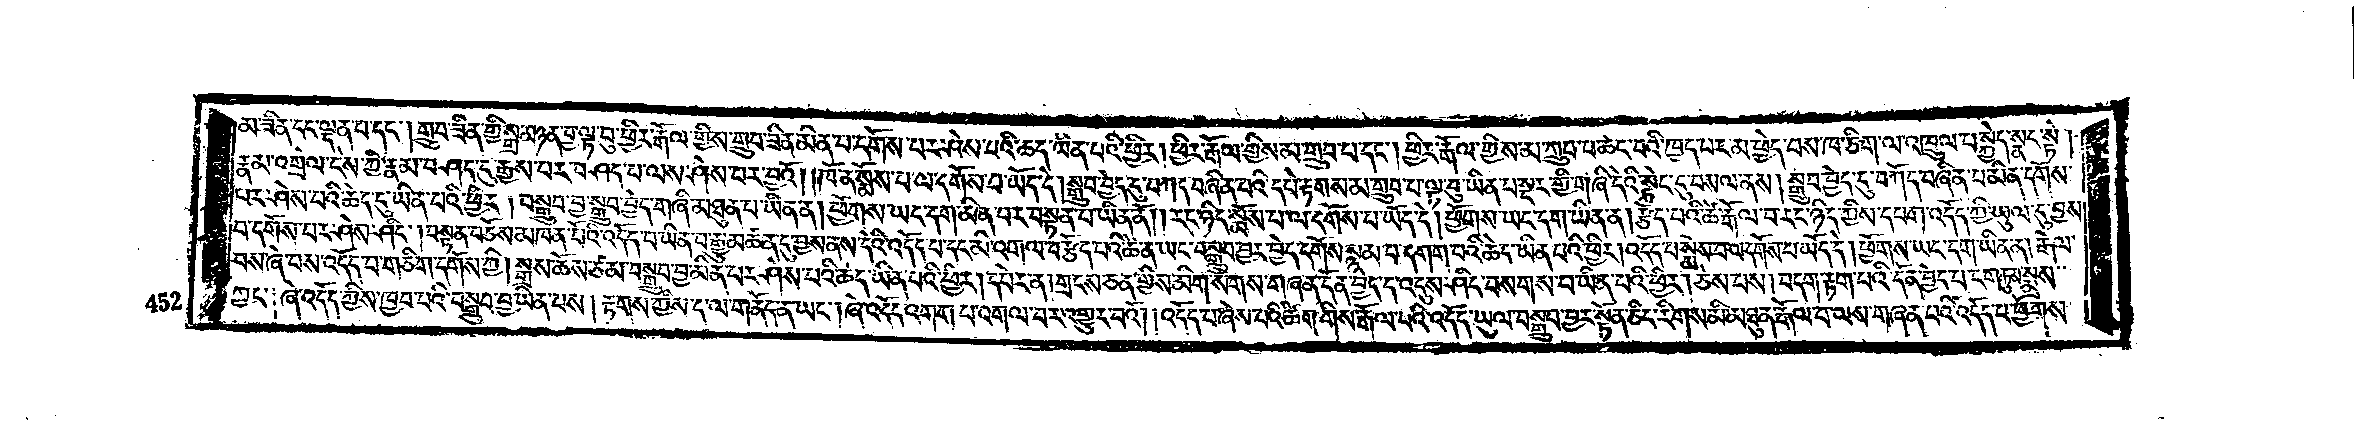མ་ཟིན་དང་ལྡན་པ་དང་། གྲུབ་ཟིན་གྱི་སྒྲ་མཉན་བྱ་ལྟ་བུ་ཕྱིར་རྒོལ་གྱིས་གྲུབ་ཟིན་མིན་པ་དགོས་པར་ཤེས་པའི་ཆད་ཡིན་པའི་ཕྱིར། ཕྱིར་རྒོལ་གྱིས་མ་གྲུབ་པ་དང་། ཕྱིར་རྒོལ་གྱིས་མ་གྲུབ་པ་ཆེད་བའི་ཁྱད་པར་མ་ཕྱེད་པས་ཁ་ཅིག་ལ་འཁྲུལ་པ་སྐྱེད་སྣང་སྟེ།
རྣམ་འགྲེལ་ངེས་ཀྱི་རྣམ་བཤད་དུ་རྒྱས་པར་བཤད་པ་ལས་ཤེས་པར་བྱའོ། །ཁོ་ན་སྨོས་པ་ལ་དགོས་པ་ཡོད་དེ། སྒྲུབ་བྱེད་དུ་བཀད་བཞིན་པའི་དཔེ་རྟགས་མ་གྲུབ་པ་ལྟ་བུ་ཡིན་པ་སྔར་གྱི་གཞི་དེའི་སྟེང་དུ་བསལ་ནས། སྒྲུབ་བྱེད་དུ་བཀོད་བཞིན་པ་མིན་དགོས་
པར་ཤེས་པའི་ཆེད་དུ་ཡིན་པའི་ཕྱིར། བསྒྲུབ་བྱ་སྒྲུབ་བྱེད་གཞི་མཐུན་པ་ཡིན་ན། ཕྱོགས་ཡང་དག་མིན་པར་བསྟན་པ་ཡིན་ནོ། །རང་ཉིད་སྨོས་པ་ལ་དགོས་པ་ཡོད་དེ། ཕྱོགས་ཡང་དག་ཡན་ན། རྩོད་པའི་ཚེ་རྒོལ་བ་རང་ཉིད་ཀྱིས་དཔག་འདོད་ཀྱི་ཡུལ་དུ་བྱས་
པ་དགོས་པར་ཤེས་ཤིང་། བསྟན་བཅོས་མཁན་པོའི་འདོད་པ་ཡིན་པ་རྒྱུ་མཚན་དུ་བྱས་ནས་དེའི་འདོད་པ་དང་མི་འགལ་བརྩོན་པའི་ཚེ་ན་ཡང་བསྒྲུབ་བྱར་བྱེད་དགོས་སྙམ་པ་དགག་པའི་ཆེད་ཡིན་པའི་ཕྱིར། འདོད་པ་སེམས་པ་ལ་དགོས་པ་ཡོད་དེ། ཕྱོགས་ཡང་དག་ཡིན་ན། རྒེལ་
བས་ཞེ་བས་འདོད་པ་གཅིག་དགོས་ཀྱི། སྒྲས་ཆོས་ཙམ་བསྒྲུབ་བྱ་མིན་པར་ཤེས་པའི་ཆད་ཡིན་པའི་ཕྱིར། དཔེར་ན། གྲངས་ཅན་གྱིས་མིག་སོགས་གཞན་དོན་བྱེད་དུ་འདུས་ཤིང་བསགས་པ་ཡིན་པའི་ཕྱིར། ཅེས་པས། བདག་རྟག་པའི་དོན་བྱེད་པ་ངག་གཏུམ་སྨྲས་
ཀྱང༑ ཞེ་འདོད་ཀྱིས་ཁྱབ་པའི་བསྒྲུབ་བྱ་ཡིན་པས། རྟགས་ཀྱིས་ད་ལ་གནོད་ན་ཡང་། ཞེ་འདོད་འགག་པ་འགལ་བར་འགྱུར་བའོ། །འདོད་པ་ཞེས་པའི་ཚིག་གིས་རྒོལ་པའི་འདོད་ཡུལ་བསྒྲུབ་བྱར་སྟོན་ཅིང་རིགས་མི་མཐུན་རྒོལ་བ་ལས་གཞན་པའི་འདོད་པ་ཕྱོགས་